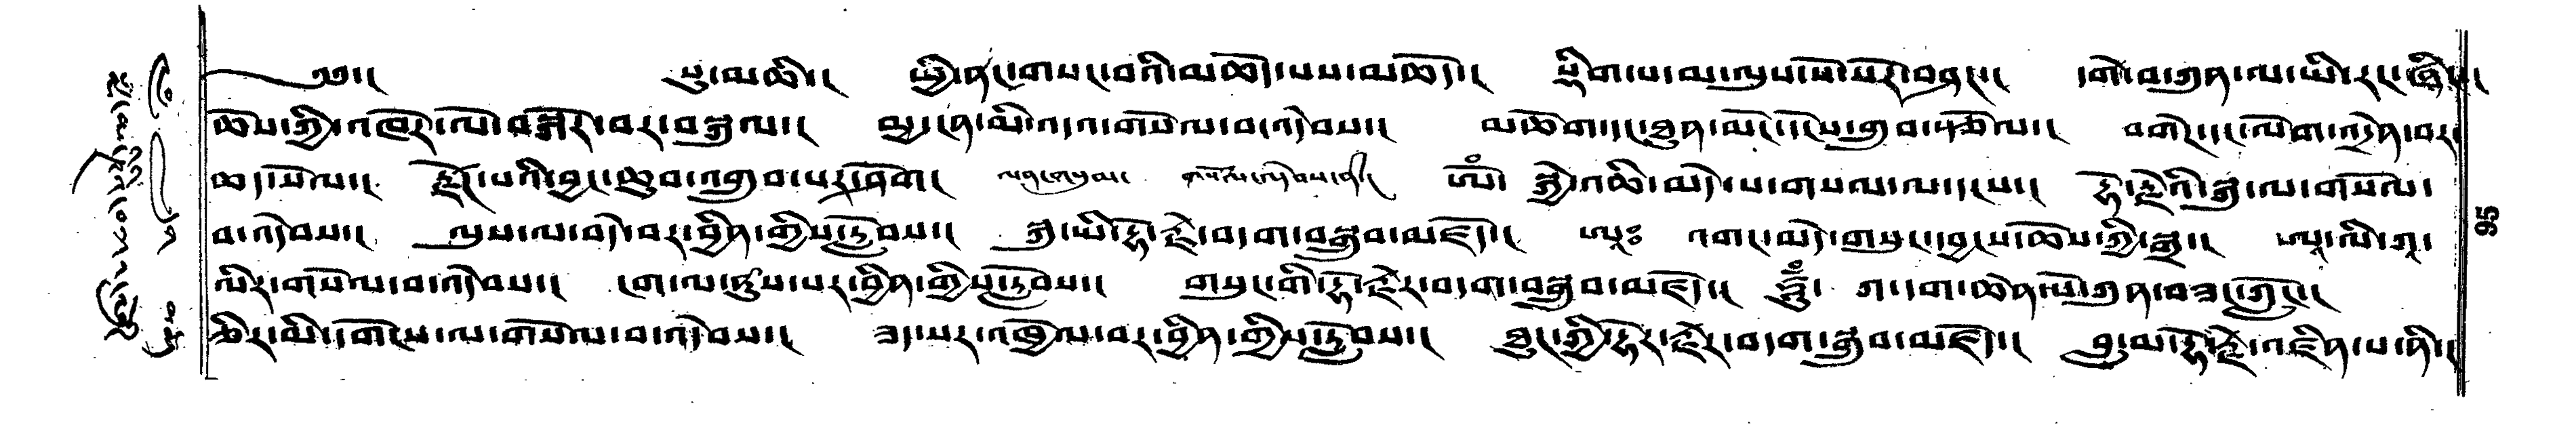སུ་མཆི། །ཕྱི་ནང་གསང་བའི་མཆོད་པས་མཆོད། །སྡིག་པ་མ་ལུས་སོ་སོར་བཤགས། །དགེ་བ་ཀུན་ལ་ཡི་རང་ཞིང་། །
ཆོས་ཀྱི་འཁོར་ལོ་བསྐོར་བར་བསྐུལ། །མྱ་ངན་མི་འདའ་གསོལ་བ་འདེབས། །མཆོག་དང་ཐུན་མོང་དངོས་གྲུབ་སྩོལ། །བགེགས་དང་ལོག་འདྲེན་བར་
ཆད་སོལ། །རྫོགས་པའི་བྱང་ཆུབ་འགྲུབ་པར་ཤོག ལན་གསུམ། གསོལ་འདེབས་ནི། ཨོཾ། སྐྱེ་འཆི་མེད་པ་གསལ་ལ་དྭངས། །རྡོ་རྗེའི་སྐུ་ལ་གསོལ་
བ་འདེབས། །ལུས་ལ་བདེ་བར་བྱིན་གྱིས་རློབས། །སྐུ་ཡི་རྡོ་རྗེ་བདག་སྒྲུབ་མཛོད། ཨཱཿ འགག་མེད་གསུང་དབྱངས་ཆོས་ཀྱི་སྒྲ། །ཨཱ་ལི་ཀཱ་
ལིར་གསོལ་བ་འདེབས། །ངག་ལ་ནུས་པར་བྱིན་གྱིས་རློབས། །གསུང་གི་རྡོ་རྗེར་བདག་སྒྲུབ་མཛོད། ། ཧཱུྃ། ཀ་དག་ཆེན་པོ་ཀུན་བཟང་ཀློང་། །
ཅིར་མི་དགོངས་ལ་གསོལ་བ་འདེབས། །ཟད་སར་འཁྱོལ་བར་བྱིན་གྱིས་རློབས། །ཐུགས་ཀྱི་རྡོ་རྗེར་བདག་སྒྲུབ་མཛོད། །བླ་མ་རྡོ་རྗེ་འཛིན་པ་ནི།